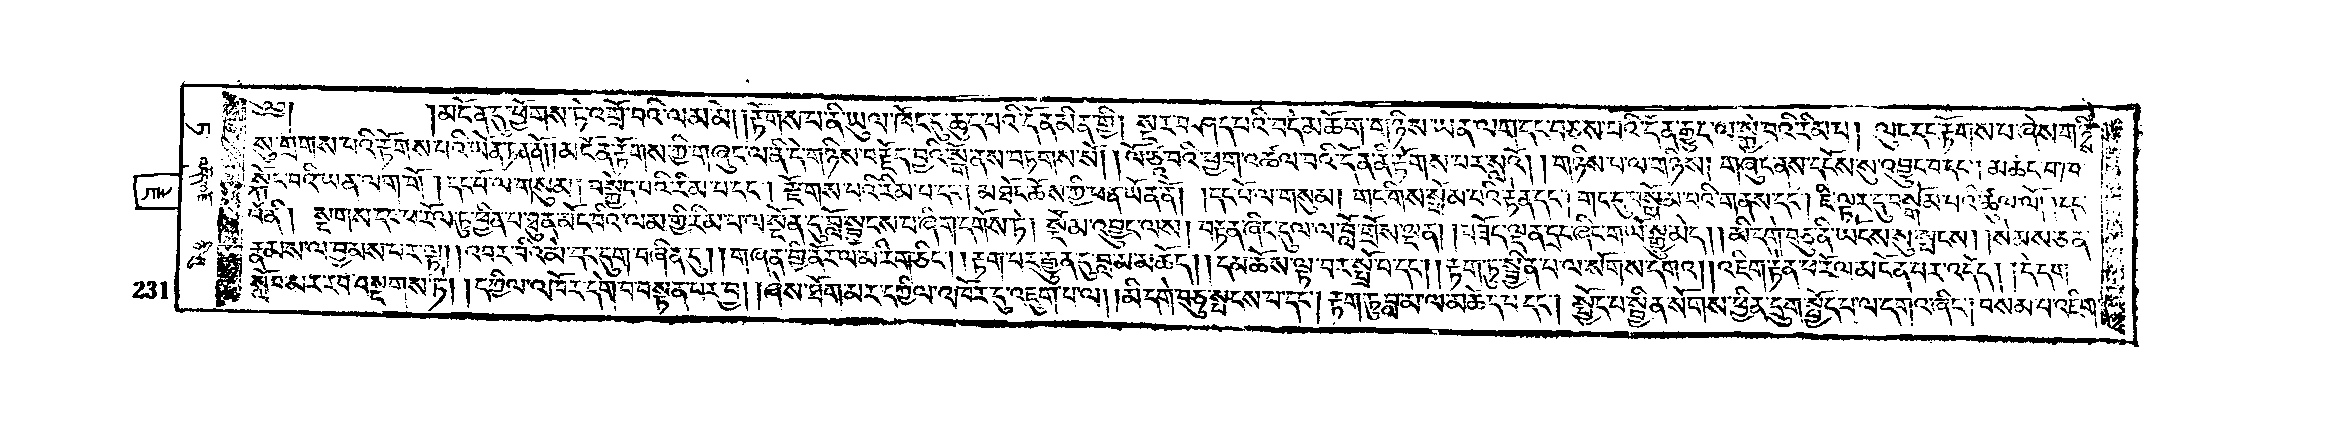༄༅། །མངོན་དུ་ཕྱོགས་ཏེ་འགྲོ་བའི་ལམ་མོ། །རྟོགས་པ་ནི་ཡུལ་ཁོང་དུ་ཆུད་པའི་དོན་མིན་གྱི། སྔར་བཤད་པའི་བདེ་མཆོག་གཉིས་ཡན་ལག་དང་བཅས་པའི་དོན་རྒྱུད་ལ་སྐྱེ་བའི་རིམ་པ། ལུང་དང་རྟོགས་པ་ཞེས་གཉིས་
སུ་གྲགས་པའི་རྟོགས་པའི་ཡོན་ཏན་ནོ། །མངོན་རྟོགས་ཀྱི་གཞུང་ལ་ནི་དེ་གཉིས་བརྗོད་བྱའི་སྒོ་ནས་བཏགས་སོ། །ལོ་ཙཱ་བའི་ཕྱག་འཚལ་བའི་དོན་ནི་རྟོགས་པར་སླའོ། །གཉིས་པ་ལ་གཉིས། གཞུང་ནས་དངོས་སུ་འབྱུང་བ་དང་། མ་ཚང་བ་ཁ་
སྐོང་བའི་ཡན་ལག་གོ། དང་པོ་ལ་གསུམ། བསྐྱེད་པའི་རིམ་པ་དང་། རྫོགས་པའི་རིམ་པ་དང་། མཐོང་ཆོས་ཀྱི་ཕན་ཡོན་ནོ། །དང་པོ་ལ་གསུམ། གང་གིས་སྒོམ་པའི་རྟེན་དང་། གང་དུ་བསྒོམ་པའི་གནས་དང་། ཇི་ལྟར་དུ་བསྒོམ་པའི་ཚུལ་ལོ། །དང་
པོ་ནི། སྔགས་དང་ཕ་རོལ་ཏུ་ཕྱིན་པ་ཐུན་མོང་བའི་ལམ་གྱི་རིམ་པ་ལ་སྔོན་དུ་བློ་སྦྱངས་པ་ཞིག་དགོས་ཏེ། སྡོམ་འབྱུང་ལས། བརྟན་ཞིང་དུལ་ལ་བློ་གྲོས་ལྡན། །བཟོད་ལྡན་དྲང་ཞིང་གཡོ་སྒྱུ་མེད། །མི་དགེ་བཅུ་ནི་ཡོངས་སུ་སྤངས། །སེམས་ཅན་
རྣམས་ལ་བྱམས་པར་ལྟ། །འབར་བའི་མེ་དང་དུག་བཞིན་དུ། །གཞན་གྱི་ནོར་ལ་མི་རེག་ཅིང་། །རྟག་པར་རྒྱུན་དུ་བླ་མ་མཆོད། །དམ་ཆོས་ལྟ་བར་སྤྲོ་བ་དང་། །རྟག་ཏུ་སྦྱིན་པ་ལ་སོགས་དགའ། །འཇིག་རྟེན་ཕ་རོལ་མངོན་པར་འདོད། །དེ་དག་
སློབ་མར་རབ་བསྔགས་ཏེ། །དཀྱིལ་འཁོར་དགེ་བ་བསྟན་པར་བྱ། །ཞེས་ཐོག་མར་དཀྱིལ་འཁོར་དུ་འཇུག་པ་ལ། །མི་དགེ་བཅུ་སྤངས་པ་དང་། རྟག་ཏུ་བླ་མ་ལ་མཆོད་པ་དང་། སྤྱོད་པ་སྦྱིན་སོགས་ཕྱིན་དྲུག་སྤྱོད་པ་ལ་དགའ་ཞིང་། བསམ་པ་འཇིག་